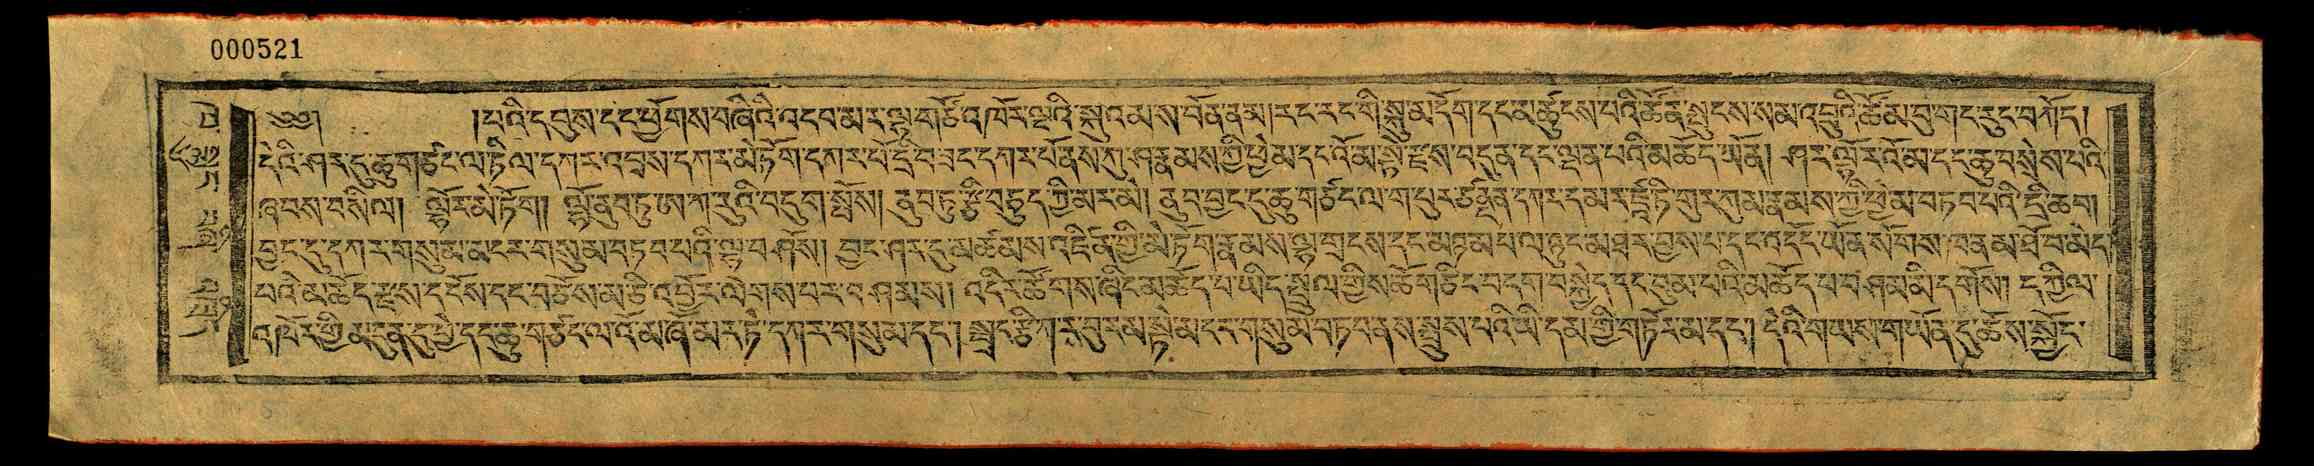༄༅། །པའི་དབུས་དང་ཕྱོགས་བཞིའི་འདབ་མར་ལྷ་གཙོ་འཁོར་ལྔའི་སྐུའམ་ས་བོན་ནམ། རང་རང་གི་སྐུ་མདོག་དང་མཚུངས་པའི་ཚན་སྤུངས་སམ་འབྲུའི་ཚོམ་བུ་གང་རུང་བཀོད་
དེའི་ཤར་དུ་ཆུ་གཙང་ལ་ཏིལ་དཀར་འབྲས་དཀར་མེ་ཏོག་དཀར་པོ་དྲི་བཟང་དཀར་པོ་ནས་ཀུ་ཤ་རྣམས་ཀྱི་ཕྱེ་མ་དང་འོ་མ་སྟེ་རྫས་བདུན་དང་ལྡན་པའི་མཆོད་ཡོན། ཤར་ལྷོར་འོ་མ་དང་ཆུ་བསྲེས་
ཞབས་བསིལ། ལྷོར་མེ་ཏོག། ལྷོ་ནུབ་ཏུ་ཨ་ཀ་རུའི་བདུག་སྤོས། ནུབ་ཏུ་རྩི་བཅུད་ཀྱི་མར་མེ། ནུབ་བྱང་དུ་ཆུ་གཙང་ལ་ག་པུར་ཙནྡན་དཀར་དམར་ཛཱཏི་གུར་ཀུམ་རྣམས་ཀྱི་ཕྱེ་མ་བཏབ་པའི་དྲི་ཆབ་
བྱང་དུ་དཀར་གསུམ་མདར་གསུམ་བཏབ་པའི་ལྷ་བཤོས། བྱང་ཤར་དུ་མཚམས་འཛིན་གྱི་མེ་ཏོག་རྣམས་ལྷ་གྲངས་དང་མཉམ་པ་ལ་ཉུང་མཐར་བྱས་པ་དང་། འདོད་ཡོན་སོགས་ཁ་ན་མ་ཐོ་བ་མེད་
པའི་མཆོད་རྫས་དངོས་དང་བཅོས་མ་ཅི་འབྱོར་ལེགས་པར་བཤམས། འདིར་ཚོགས་ཞིང་མཆོད་པ་ཡིད་སྤྲུལ་གྱིས་ཆོག་ཅིང་བདག་བསྐྱེད་དང་བུམ་པའི་མཆོད་པ་བཤམ་མི་དགོས། དཀྱིལ་
འཁོར་གྱི་མདུན་དུ་ཕྱེ་དང་ཆུ་གཙང་ལའོ་མ་ཞོ་མར་ཏེ་དཀར་གསུམ་དང་། སྦྲང་རྩི་ཀ་ར་བུ་རམ་སྟེ་མངར་གསུམ་བཏབ་ནས་སྤྲུས་པའི་ཡི་དམ་གྱི་གཏོར་མ་དང་། དེའི་གཡས་གཡོན་དུ་ཆོས་སྐྱོང་